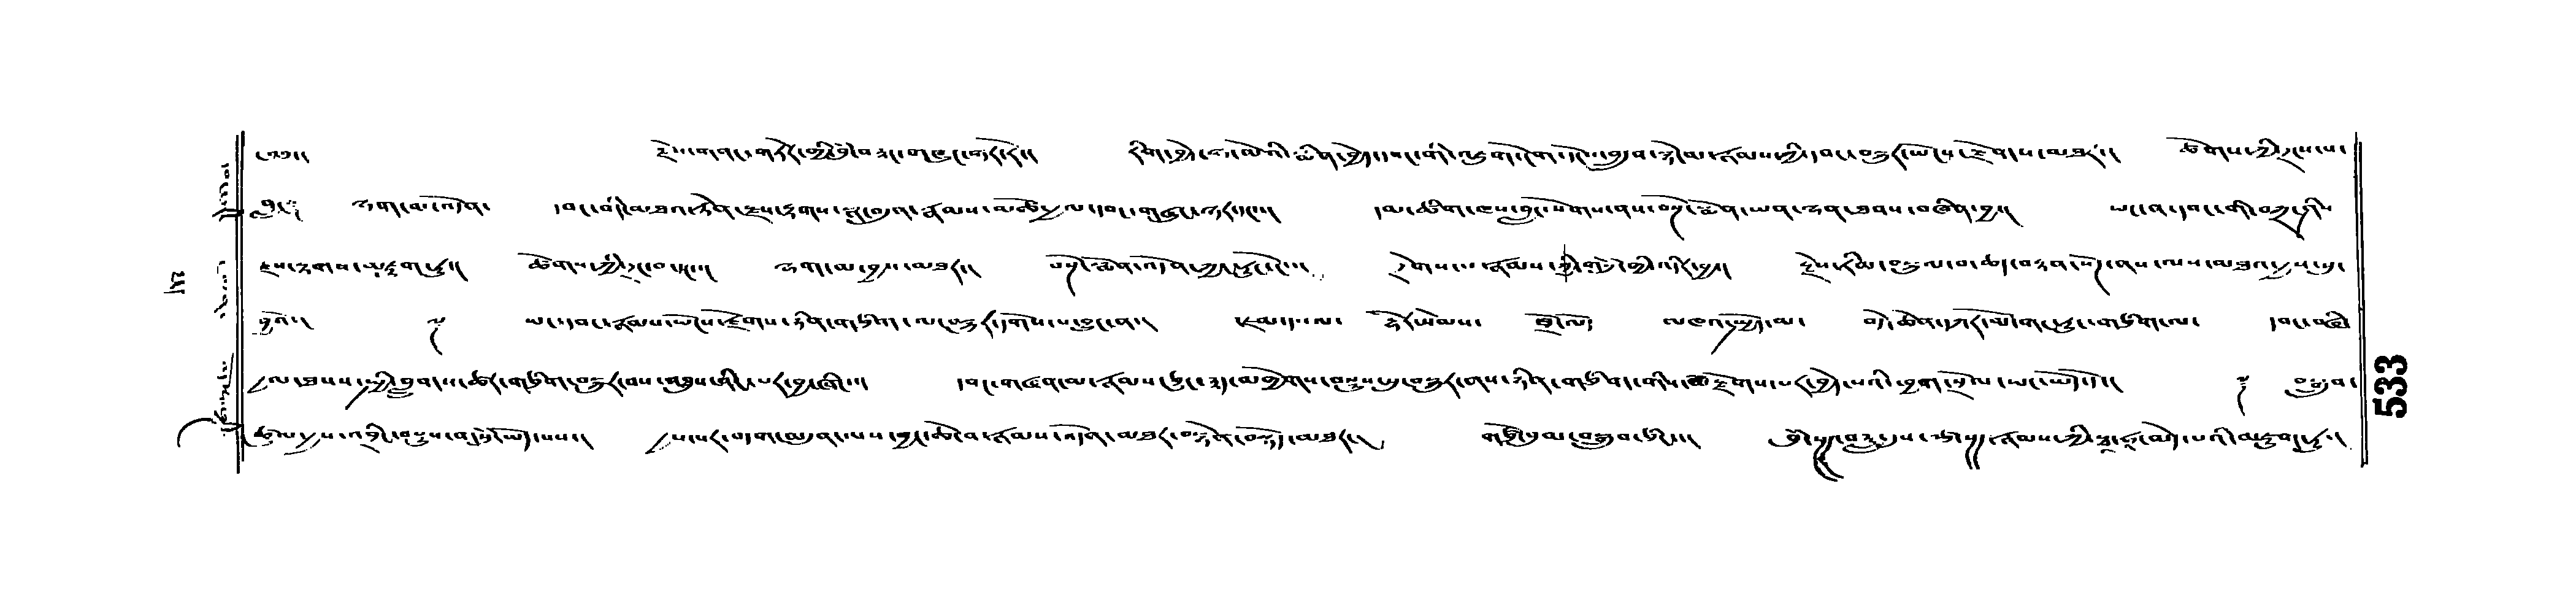རྗེས་གནང་གཏེར་གྱི་བུམ་བཟང་གཞུང་ལྟར་རོ། རིག་བྱེད་ལྷ་མོའི་སྨིན་བྱེད་དབང་གི་འཇུག་ངོགས་དངོས་གྲུབ་སྙེ་མ་རྣམས་ཀྱི་དབང་བསྐུར་ཡོངས་རྫོགས་མཐར། ཚོགས་ཀྱི་དྲངས་པ་
བླང་། ལྷག་མ་འདོན། དབང་གི་མཐའ་རྟེན་རྫས་རྟགས་སྣ་བདུན་རྣམས་མཚོ་རྒྱལ་དབང་གཞུང་ལྟར་དང་། དམ་ཚིག་ཁས་བླང་སོགས་ནས་བསྔོ་སྨོན་ཡན་ལྷན་ཐབས་བཞིན་བྱ། ཡང་ན་དབང་གི་བཀྲ་ཤིས་
རྫས་རྟགས་མཇུག་ཏུ། ཚོགས་ཀྱི་དྲང་བ་དང་། ལྷག་མ་བྱས་མཐར། བསྔོ་སྨོན་འདོན་ཀྱང་རུང་ངོ། དྲེགས་པ་རྣམ་གསུམ་གྱི་གསོལ་ཁ་འདིར་བྱ། རྗེས་རིམ་བསྐུལ་བ་ཆད་བརྟན་སོགས་ནས་ལས་མཐའ་རྒྱས་སུ་
བྱའོ། ༈ ཡང་དབང་རྣམས་ཡོངས་རྫོགས་ཉིན་གཅིག་ལ་བསྐུར་དགོས་པ་བྱུང་ན། འཇམ་དཔལ། རྡོར་སེམས། ཁྲོ་ལོད། མཁའ་སྤྱོད་མ། བདེ་ཆེན་དཀར་མོ་གང་རུང་གཅིག་ལ། དབང་བཞི་
རྒྱལ་ཐབས་སྤྱི་བླུགས་ཚར་གཅིག་བསྐུར་བས་འཐུས་པར་བྱ་ཞིང་། དབང་གཞན་མ་རྣམས་ཅུང་ཟད་མགྱོགས་བསྡུས་སུ་བསྐུར་ནས་ཉིན་གཅིག་གིས་རྫོགས་པར་བྱེད་པའི་ཕྱག་སྲོལ་ཡང་ཡོད་དོ། ༈ བསྒྲུབ་
ཚུལ་རྒྱས་འབྲིང་བསྡུས་གསུམ་ཡོད་པས། རྒྱས་པར་བདག་མདུན་ལས་བྱང་ཆེ་བ་རྣམས་འདོན་མཐར་བསྙེན་བསྟོད་མཐར། གཙོ་བུམ་བསྒྲུབ་ཅིང་། བུམ་སྔགས་བཟླ་དུས་རྩ་སྔགས་རྣམས་ཀྱི་སྭཱ་ཧཱ་མེད་པའི་མཇུག་ཏུ།